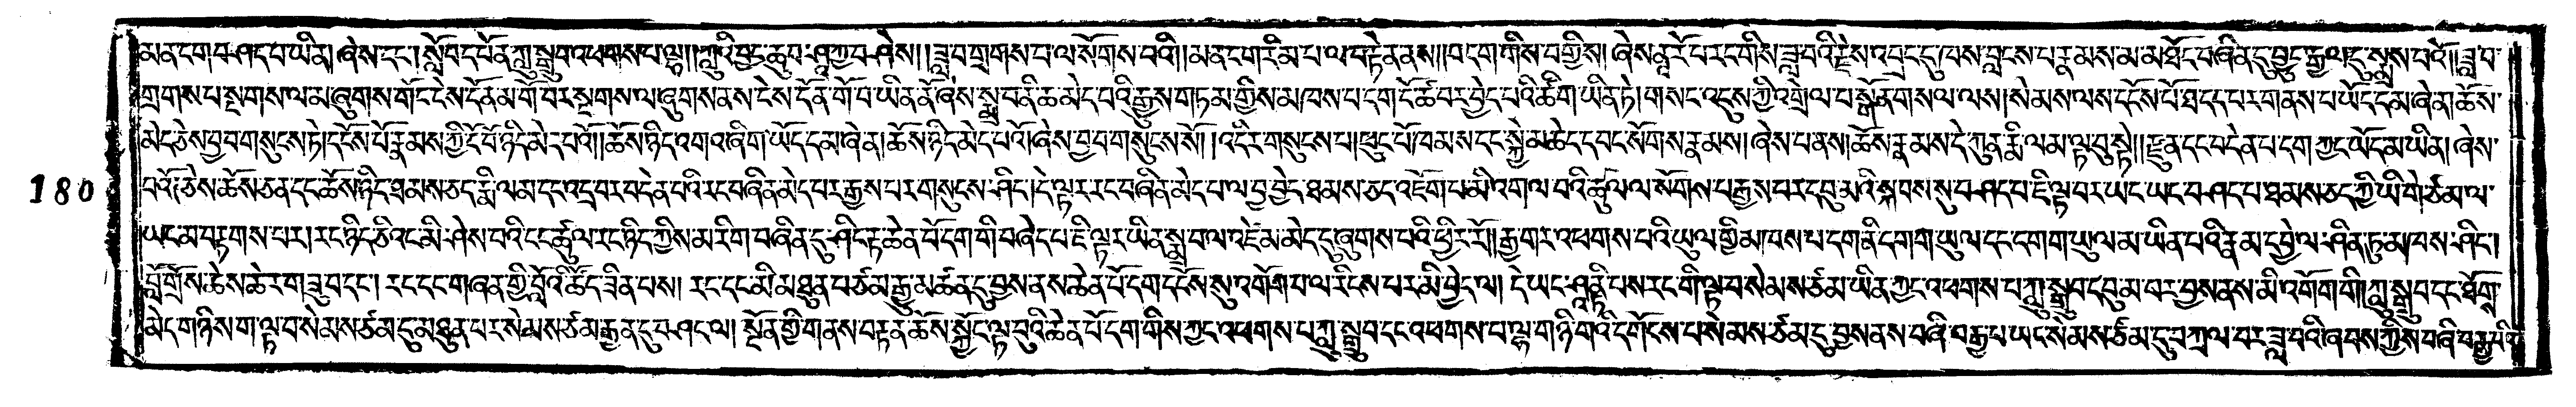མན་ངག་བཤད་པ་ཡིན། ཞེས་དང་། སློབ་དཔོན་ཀླུ་སྒྲུབ་འཕགས་པ་ལྷ། །ཀླུའི་བྱང་ཆུབ་ཤཱཀྱ་བཤེས། །ཟླ་བ་གྲགས་པ་ལ་སོགས་པའི། །མན་ངག་རིམ་པ་ལ་བརྟེན་ནས། །བདག་གིས་བགྱིས། ཞེས་ནཱ་རོ་བ་རང་གིས་ཟླ་བའི་རྗེས་འབྲང་དུ་ཁས་བླངས་པ་རྣམས་མ་མཐོང་བཞིན་དུ་བྱུང་རྒྱལ་དུ་སྨྲས་པའོ། །ཟླ་བ་
གྲགས་པ་སྔགས་ལམ་ཞུགས་གོང་ངེས་དོན་མགོ་བར་སྔགས་ལ་ཞུགས་ནས་ངེས་དོན་གོ་བ་ཡིན་ནོ་ཞེས་སྨྲ་བ་ནི་ཆ་མེད་པའི་རྒྱུས་གཏམ་གྱིས་མཁས་པ་དག་ངོ་ཚ་བར་བྱེད་པའི་ཚིག་ཡིན་ཏེ། གསང་འདུས་ཀྱི་འགྲེལ་པ་སྒོན་གསལ་ལས། སེམས་ལས་དངོས་པོ་ཐ་དད་པར་གནས་པ་ཡོད་དམ་ཞེ་ན། ཆོས་
མེད་ཅེས་བྱ་བ་གསུངས་ཏེ། དངོས་པོ་རྣམས་ཀྱི་ངོ་བོ་ཉིད་མེད་པའོ། །ཆོས་ཉིད་འགའ་ཞིག་ཡོད་དམ་ཞེ་ན། ཆོས་ཉིད་མེད་པའོ། ཞེས་བྱ་བ་གསུངས་སོ། །འདིར་གསུངས་པ། ཕུང་པོ་ཁམས་དང་སྐྱེ་མཆེད་དབང་སོགས་རྣམས། ཞེས་པ་ནས། ཆོས་རྣམས་དེ་ཀུན་རྨི་ལམ་ལྟ་བུ་སྟེ། །རྫུན་དང་བདེན་པ་དག་ཀྱང་ཡོད་མ་ཡིན། ཞེས་
པའོ༑ ཅེས་ཆོས་ཅན་དང་ཆོས་ཉིད་ཐམས་ཅད་རྨི་ལམ་དང་འདྲ་བར་བདེན་པའི་རང་བཞིན་མེད་པར་རྒྱས་པར་གསུངས་ཤིང་། དེ་ལྟར་རང་བཞིན་མེད་པ་ལ་བྱ་བྱེད་ཐམས་ཅད་འཇོག་པ་མི་འགལ་བའི་ཚུལ་ལ་སོགས་པ་རྒྱས་བར་དབུ་མའི་སྐབས་སུ་བཤད་པ་ཇི་ལྟ་བར་ཡང་ཡང་བཤད་པ་ཐམས་ཅད་ཀྱི་ཡི་གེ་ཙམ་ལ་
ཡང་མ་བརྟགས་པར། རང་ཉིད་ཅིའང་མི་ཤེས་བའི་ངང་ཚུལ་རང་ཉིད་ཀྱིས་མ་རིག་བཞིན་དུ་ཤིང་རྟ་ཆེན་བོ་དག་གི་བཞེད་པ་ཇི་ལྟར་ཡིན་སྨྲ་བ་ལ་འཛེམ་མེད་དུ་ཞུགས་པའི་ཕྱིར་རོ། །རྒྱ་གར་འཕགས་པའི་ཡུལ་གྱི་མཁས་པ་དག་ནི་དགག་ཡུལ་དང་དགག་ཡུལ་མ་ཡིན་པའི་རྣམ་དབྱེ་ལ་ཤིན་ཏུ་མཁས་ཤིང་།
བློ་གྲོས་ཆེས་ཆེར་གཟུ་བ་དང་། རང་དང་གཞན་གྱི་བློའི་ཚོད་ཟིན་པས། རང་དང་མི་མཐུན་བཙམ་རྒྱུ་མཚན་དུ་བྱས་ནས་ཆེན་པོ་དག་དངོས་སུ་འགོག་པ་ལ་རིངས་པར་མི་བྱེད་ལ། དེ་ཡང་ཤཱནྟི་པས་རང་གི་ལྟ་བ་སེམས་ཙམ་ཡིན་ཀྱང་འཕགས་པ་ཀླུ་སྒྲུབ་དབུ་མ་བར་བྱས་ནས་མི་འགོག་གི། ཀླུ་སྒྲུབ་དང་ཐོགས་
མེད་གཉིས་ག་ལྟ་བ་སེམས་ཙམ་དུ་མཐུན་པར་སེམས་ཙམ་རྒྱན་དུ་བཤད་ལ། སྔོན་གྱི་གནས་བརྟན་ཆོས་སྐྱོང་ལྟ་བུའི་ཆེན་པོ་དག་གིས་ཀྱང་འཕགས་པ་ཀླུ་སྒྲུབ་དང་འཕགས་པ་ལྷ་གཉི་གའི་དགོངས་པ་སེམས་ཙམ་དུ་བྱས་ནས་བཞི་བརྒྱ་པ་ཡང་སེམས་ཙམ་དུ་བཀྲལ་བར་ཟླ་བའི་ཞབས་ཀྱིས་བཞི་བརྒྱ་བའི་